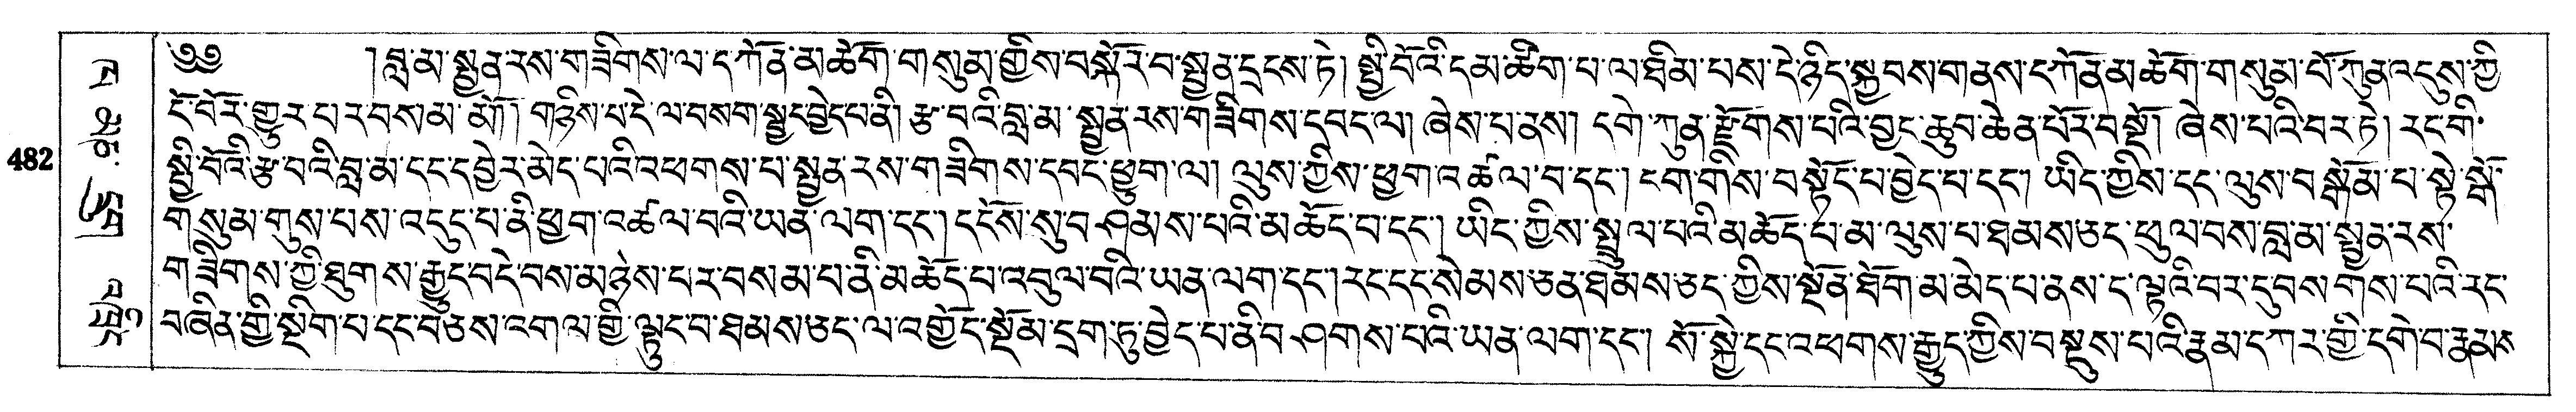༄༅། །བླ་མ་སྤྱན་རས་གཟིགས་ལ་དཀོན་མཆོག་གསུམ་གྱིས་བསྐོར་བ་སྤྱན་དྲངས་ཏེ། སྤྱི་བོའི་དམ་ཚིག་པ་ལ་ཐིམ་པས་དེ་ཉིད་སྐྱབས་གནས་དཀོན་མཆོག་གསུམ་པོ་ཀུན་འདུས་ཀྱི་
ངོ་བོར་གྱུར་པར་བསམ་མོ། །གཉིས་པ་དེ་ལ་བསག་སྦྱང་བྱེད་པ་ནི། རྩ་བའི་བླ་མ་སྤྱན་རས་གཟིགས་དབང་ལ། ཞེས་པ་ནས། དགེ་ཀུན་རྫོགས་པའི་བྱང་ཆུབ་ཆེན་པོར་བསྔོ། ཞེས་པའི་བར་ཏེ། རང་གི་
སྤྱི་བོའི་རྩ་བའི་བླ་མ་དང་དབྱེར་མེད་པའི་འཕགས་པ་སྤྱན་རས་གཟིགས་དབང་ཕྱུག་ལ། ལུས་ཀྱིས་ཕྱག་འཚལ་བ་དང་། ངག་གིས་བསྟོད་པ་བྱེད་པ་དང་། ཡིད་ཀྱིས་དད་ལུས་བསྒོམ་པ་སྟེ་སྒོ་
གསུམ་གུས་པས་འདུད་པ་ནི་ཕྱག་འཚལ་བའི་ཡན་ལག་དང་། དངོས་སུ་བཤམས་པའི་མཆོད་པ་དང་། ཡིད་ཀྱིས་སྤྲུལ་པའི་མཆོད་པ་མ་ལུས་པ་ཐམས་ཅད་ཕུལ་བས་བླ་མ་སྤྱན་རས་
གཟིགས་ཀྱི་ཐུགས་རྒྱུད་བདེ་བས་མཉེས་པར་བསམ་པ་ནི་མཆོད་པ་འབུལ་བའི་ཡན་ལག་དང་། རང་དང་སེམས་ཅན་ཐམས་ཅད་ཀྱིས་སྔོན་ཐོག་མ་མེད་པ་ནས་ད་ལྟའི་བར་དུ་བསགས་པའི་རང་
བཞིན་གྱི་སྡིག་པ་དང་བཅས་འགལ་གྱི་ལྟུང་བ་ཐམས་ཅད་ལ་འགྱོད་སྡོམ་དྲག་ཏུ་བྱེད་པ་ནི་བཤགས་པའི་ཡན་ལག་དང་། སོ་སྐྱེ་དང་འཕགས་རྒྱུད་ཀྱིས་བསྡུས་པའི་རྣམ་དཀར་གྱི་དགེ་བ་རྣམས་